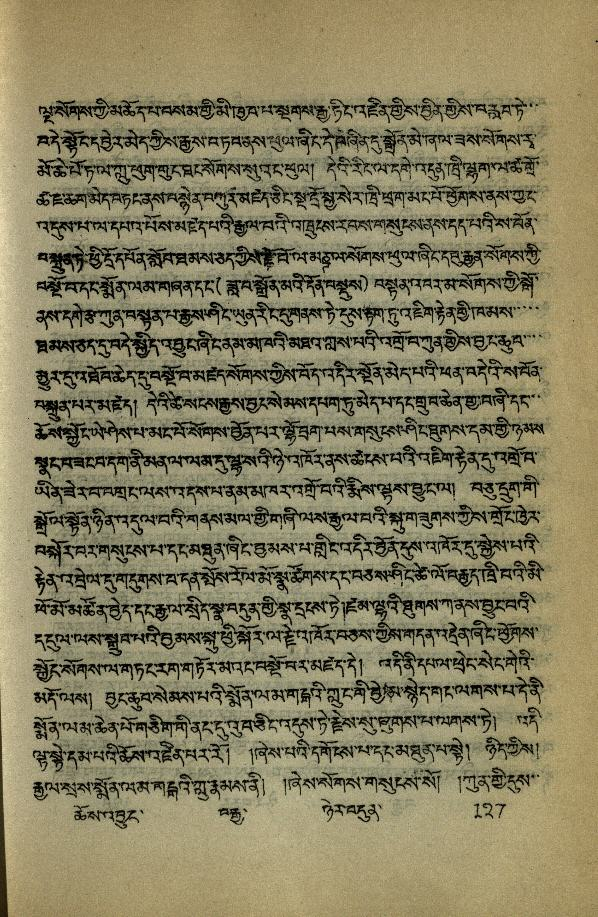ལྔ་སོགས་ཀྱི་མཆོད་པ་བསམ་གྱི་མི་ཁྱབ་པ་སྔགས་རྒྱ་ཏིང་འཛིན་གྱིས་བྱིན་གྱིས་བརླབ་ཏེ་
བདེ་སྟོང་དབྱེར་མེད་ཀྱིས་རྒྱས་བཏབ་ནས་ཕུལ་ཞིང་དེ་བཞིན་དུ་སྒྲོན་མེ་ཞལ་ཟས་སོགས་རྭ་
མོ་ཆེ་པོ་ཏ་ལ་ཀླུ་ཕུག་གུང་ཐང་སོགས་སུའང་ཕུལ། དེའི་རིང་ལ་དགེ་འདུན་ཁྲི་ལྷག་ལ་ཚ་གྲོ་
ཚ་ཇ་ཆག་མེད་བཏང་ནས་བསྙེན་བཀུར་མཛད་ཅིང་སྔ་དྲོ་སྐྱ་སེར་ཁྲི་ཕྲག་མང་པོ་ཕྱོགས་ནས་ཀྱང་
འདུས་པ་ལ་དཔའ་པོས་མཛད་པའི་རྒྱལ་བའི་འཁྲུངས་རབས་གསུངས་ནས་དད་པའི་ས་བོན་
བསྐྲུན་ཏེ་ཕྱི་དྲོ་དཔོན་སློབ་ཐམས་ཅད་ཀྱིས་ཇོ་བོ་ལ་མཎྜལ་སོགས་ཕུལ་ཞིང་དབུ་རྒྱན་སོགས་ཀྱི་
བསྔོ་བ་དང་སྨོན་ལམ་གཞན་དང་ཟླ་བ་སྒྲོན་མའི་དོན་བསྡུས་བསྟན་འབར་མ་སོགས་ཀྱི་སྒོ་
ནས་དགེ་རྩ་ཀུན་བསྟན་པ་རྒྱས་ཤིང་ཡུན་རིང་དུ་གནས་ཏེ་དུས་རྟག་ཏུ་འཇིག་རྟེན་གྱི་ཁམས་
ཐམས་ཅད་དུ་བདེ་སྐྱིད་འབྱུང་ཞིང་ནམ་མཁའི་མཐའ་ཀླས་པའི་འགྲོ་བ་ཀུན་གྱིས་བྱང་ཆུབ་
མྱུར་དུ་འཐོབ་ཆེད་དུ་བསྔོ་བ་མཛད་སོགས་ཀྱིས་བོད་འདིར་སྔོན་མེད་པའི་ཕན་བདེའི་ས་བོན་
བསྐྲུན་པར་མཛད། དེའི་ཚེ་སངས་རྒྱས་བྱང་སེམས་དཔག་ཏུ་མེད་པ་དང་གྲུབ་ཆེན་གྱ་བཞི་དང་
ཆོས་སྐྱོང་ཡེ་ཤེས་པ་མང་པོ་སོགས་བྱོན་པར་ལྷོ་བྲག་པས་གསུངས་ཤིང་ཐུགས་དམ་གྱི་ཉམས་
སྣང་བཟང་བ་དག་ནི་མནལ་ལམ་དུ་ལྷ་སའི་ཉེ་འཁོར་ནས་ཚངས་པའི་འཇིག་རྟེན་དུ་འགྲོ་བ་
ཡིན་ཟེར་བ་བགྲང་ལས་འདས་པ་ནམ་མཁར་འགྲོ་བའི་རྨིས་ལྟས་བྱུང་ལ། བཅུ་དྲུག་གི་
སྒྲོལ་སྟོན་ཉིན་འདུལ་བའི་གནས་མལ་གྱི་གཞི་ལས་རྒྱལ་བའི་སྐུ་གཟུགས་ཀྱིས་གྲོང་ཁྱེར་
བསྐོར་བར་གསུངས་པ་དང་མཐུན་ཞིང་བྱམས་པ་གླིང་འདིར་བྱོན་དུས་འཁོར་དུ་སྐྱེས་པའི་
རྟེན་འབྲེལ་དུ་གདུགས་བ་དན་སྤོས་རོལ་མོ་སྣ་ཚོགས་དང་བཅས་ཤིང་ཚེ་ལོ་བརྒྱད་ཁྲི་བའི་མི་
ཕོ་མོ་མཚོན་བྱེད་དང་རྒྱལ་སྲིད་སྣ་བདུན་གྱི་སྣ་དྲངས་ཏེ། ཛམ་ལྷའི་ཐུགས་ཀ་ནས་བྱུང་བའི་
དངུལ་ལས་སྒྲུབ་པའི་བྱམས་སྐུ་ཕྱི་སྐོར་ལ་རྗེ་འཁོར་བཅས་ཀྱིས་གདན་འདྲེན་ཞིང་ཕྱོགས་
སྐྱོང་སོགས་ལ་གཏང་རག་གཏོར་མའང་བསྔོ་བར་མཛད་དེ། འདི་ནི་དཔལ་ཕྲེང་སེང་གེའི་
མདོ་ལས། བྱང་ཆུབ་སེམས་པའི་སྨོན་ལམ་གངྒའི་ཀླུང་གི་བྱེ་མ་སྙེད་གང་ལགས་པ་དེ་ནི་
སྨོན་ལམ་ཆེན་པོ་གཅིག་གི་ནང་དུ་འུ་བ་ཅིང་འདུས་ཏེ་རྗེས་སུ་ཞུགས་པ་ལགས་ཏེ། འདི་
ལྟ་སྟེ་དམ་པའི་ཆོས་འཛིན་པར་རོ། །ཞེས་པའི་དགོངས་པ་དང་མཐུན་པ་སྟེ། ཉིད་ཀྱིས།
རྒྱལ་སྲས་སྨོན་ལམ་གངྒའི་ཀླུ་རྣམས་ནི། །ཞེས་སོགས་གསུངས་སོ། །ཀུན་གྱི་དུས་